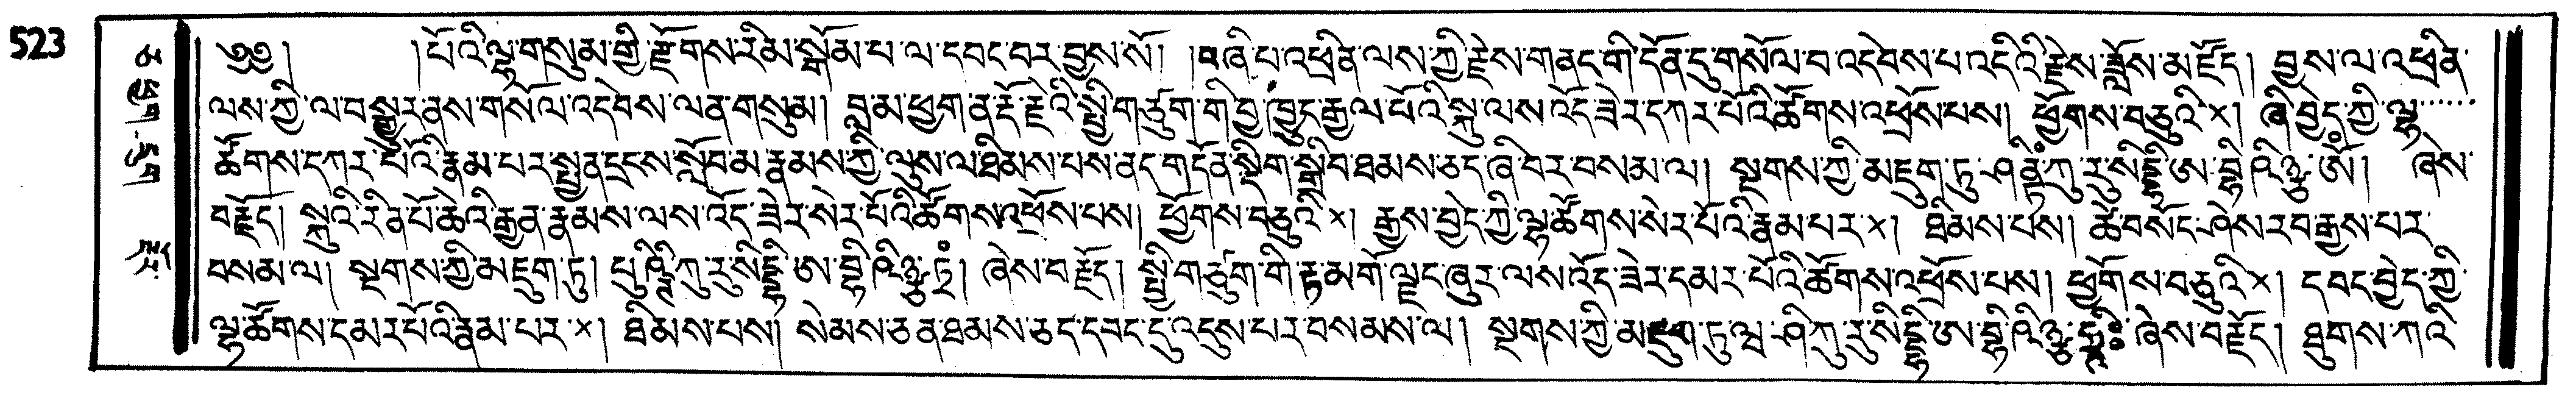༄༅། །པོའི་ལྷ་གསུམ་གྱི་རྫོགས་རིམ་སྒོམ་པ་ལ་དབང་བར་བྱས་སོ། །བཞི་པ་འཕྲིན་ལས་ཀྱི་རྗེས་གནང་གི་དོན་དུ་གསོལ་བ་འདེབས་པ་འདིའི་རྗེས་ཟློས་མཛོད། བྱས་ལ་འཕྲིན་
ལས་ཀྱི་ལ་བསྒྱུར་ནས་གསོལ་འདེབས་ལན་གསུམ། བླ་མ་ཕྱག་ན་རྡོ་རྗེའི་སྤྱི་གཙུག་གི་བྱ་ཁྱུང་རྒྱལ་པོའི་སྐུ་ལས་འོད་ཟེར་དཀར་པོའི་ཚོགས་འཕྲོས་པས། ཕྱོགས་བཅུའི་྾། ཞི་བྱེད་ཀྱི་ལྷ་་་
ཚོགས་དཀར་པོའི་རྣམ་པར་སྤྱན་དྲངས་སློབ་མ་རྣམས་ཀྱི་ལུས་ལ་ཐིམས་པས་ནད་གདོན་སྡིག་སྒྲིབ་ཐམས་ཅད་ཞི་བར་བསམ་ལ། སྔགས་ཀྱི་མཇུག་ཏུ་ཤནྟིཾ་ཀུ་རུ་སིདྡྷི་ཨ་བྷི་ཥྙྩི་ཨོཾ། ཞེས་
བརྗོད། སྐུའི་རིན་པོ་ཆེའི་རྒྱན་རྣམས་ལས་འོད་ཟེར་སེར་པོའི་ཚོགས་འཕྲོས་པས། ཕྱོགས་བཅུའི་྾། རྒྱས་བྱེད་ཀྱི་ལྷ་ཚོགས་སེར་པོའི་རྣམ་པར་྾། ཐིམས་པས། ཚེ་བསོང་ཤེས་རབ་རྒྱས་པར་
བསམ་ལ། སྔགས་ཀྱི་མཇུག་ཏུ། པུཥིཊི་ཀུ་རུ་སིདྡྷི་ཨ་བྷི་ཥྙྩི་ཏྲཾ། ཞེས་བརྗོད། སྤྱི་གཙུག་གི་རྟ་མགོ་ལྗང་ཞུར་ལས་འོད་ཟེར་དམར་པོའི་ཚོགས་འཕྲོས་པས། ཕྱོགས་བཅུའི་྾། དབང་བྱེད་ཀྱི་
ལྷ་ཚོགས་དམར་པོའི་རྣམ་པར་྾། ཐིམས་པས། སེམས་ཅན་ཐམས་ཅད་དབང་དུ་འདུས་པར་བསམས་ལ། སྔགས་ཀྱི་མཇུག་ཏུ་ཝ་ཤི་ཀུ་རུ་སིདྡྷི་ཨ་ཥྙྩི་ཧྲཱིཿ ཞེས་བརྗོད། ཐུགས་ཀའི་